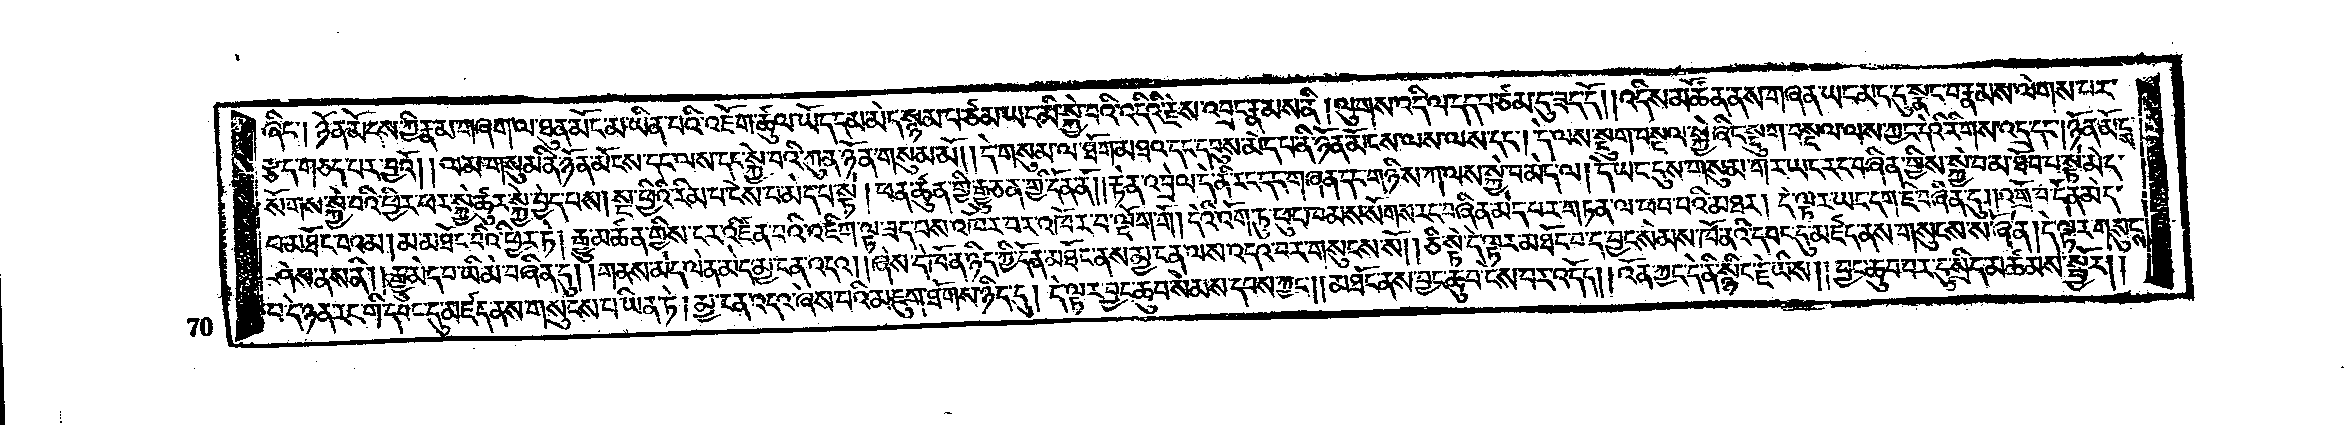ཞིང་། ཉོན་མོངས་ཀྱི་རྣམ་གཞག་ལ་ཐུན་མོང་མ་ཡིན་པའི་འཇོག་ཚུལ་ཡོད་དམ་མེད་སྙམ་པ་ཙམ་ཡང་མི་སྐྱེ་བའི་འདིའི་རྗེས་འབྲང་རྣམས་ནི། ལུགས་འདི་ལ་དད་པ་ཙམ་དུ་ཟད་དོ། །འདིས་མཚོན་ནས་གཞན་ཡང་མང་དུ་སྣང་བ་རྣམས་ལེགས་པར་
རྩད་གཅད་པར་བྱའོ། །ལམ་གསུམ་ནི་ཉོན་མོངས་དང་ལས་དང་སྐྱེ་བའི་ཀུན་ཉོན་གསུམ་མོ། །དེ་གསུམ་ལ་ཐོག་མཐའ་དང་དབུས་མེད་པ་ནི་ཉོན་མོངས་ལས་ལས་དང་། དེ་ལས་སྡུག་བསྔལ་སྐྱེ་ཞིང་སྡུག་བསྔལ་ལས་ཀྱང་དེའི་རིགས་འདྲ་དང་། ཉོན་མོངས་
སོགས་སྐྱེ་བའི་ཕྱིར་ཕར་སྐྱེ་ཚུར་སྐྱེ་བྱེད་པས། སྔ་ཕྱིའི་རིམ་པ་ངེས་པ་མེད་པ་སྟེ། ཕན་ཚུན་གྱི་རྒྱུ་ཅན་གྱི་དོན་ནོ། །རྟེན་འབྲེལ་དེ་ནི་རང་དང་གཞན་དང་གཉིས་ཀ་ལས་སྐྱེ་བ་མེད་ལ། དེ་ཡང་དུས་གསུམ་གང་ཡང་རང་བཞིན་གྱིས་སྐྱེ་བ་མ་ཐོབ་པ་སྟེ་མེད་
པ་མཐོང་བའམ། མ་མཐོང་བའི་ཕྱིར་ཏེ། རྒྱུ་མཚན་གྱིས་ངར་འཛིན་པའི་འཇིག་ལྟ་ཟད་པས་འཁོར་བར་འཁོར་བ་ལྡོག་གོ །དེའི་འོག་ཏུ་ཕུང་ཁམས་སོགས་རང་བཞིན་མེད་པར་གཏན་ལ་ཕབ་པའི་མཐར། དེ་ལྟར་ཡང་དག་ཇི་བཞིན་དུ། །འགྲོ་བ་དོན་མེད་
ཤེས་ནས་ནི། །རྒྱུ་མེད་པ་ཡི་མེ་བཞིན་དུ། །གནས་མེད་ལེན་མེད་མྱ་ངན་འདའ། །ཞེས་དེ་ཁོ་ན་ཉིད་ཀྱི་དོན་མཐོང་ནས་མྱ་ངན་ལས་འདའ་བར་གསུངས་སོ། །ཅི་སྟེ་དེ་ལྟར་མཐོང་བ་དེ་བྱང་སེམས་ཁོ་ནའི་དབང་དུ་མཛད་ནས་གསུངས་སོ་ཞེ་ན། དེ་ལྟར་གསུངས་
པ་དེ་ཉན་རང་གི་དབང་དུ་མཛད་ནས་གསུངས་པ་ཡིན་ཏེ། མྱ་ངན་འདའ་ཞེས་པའི་མཇུག་ཐོགས་ཉིད་དུ། དེ་ལྟར་བྱང་ཆུབ་སེམས་དཔས་ཀྱང་། །མཐོང་ནས་བྱང་ཆུབ་ངེས་པར་འདོད། །འོན་ཀྱང་དེ་ནི་སྙིང་རྗེ་ཡིས། །བྱང་ཆུབ་བར་དུ་སྲིད་མཚམས་སྦྱོར། །